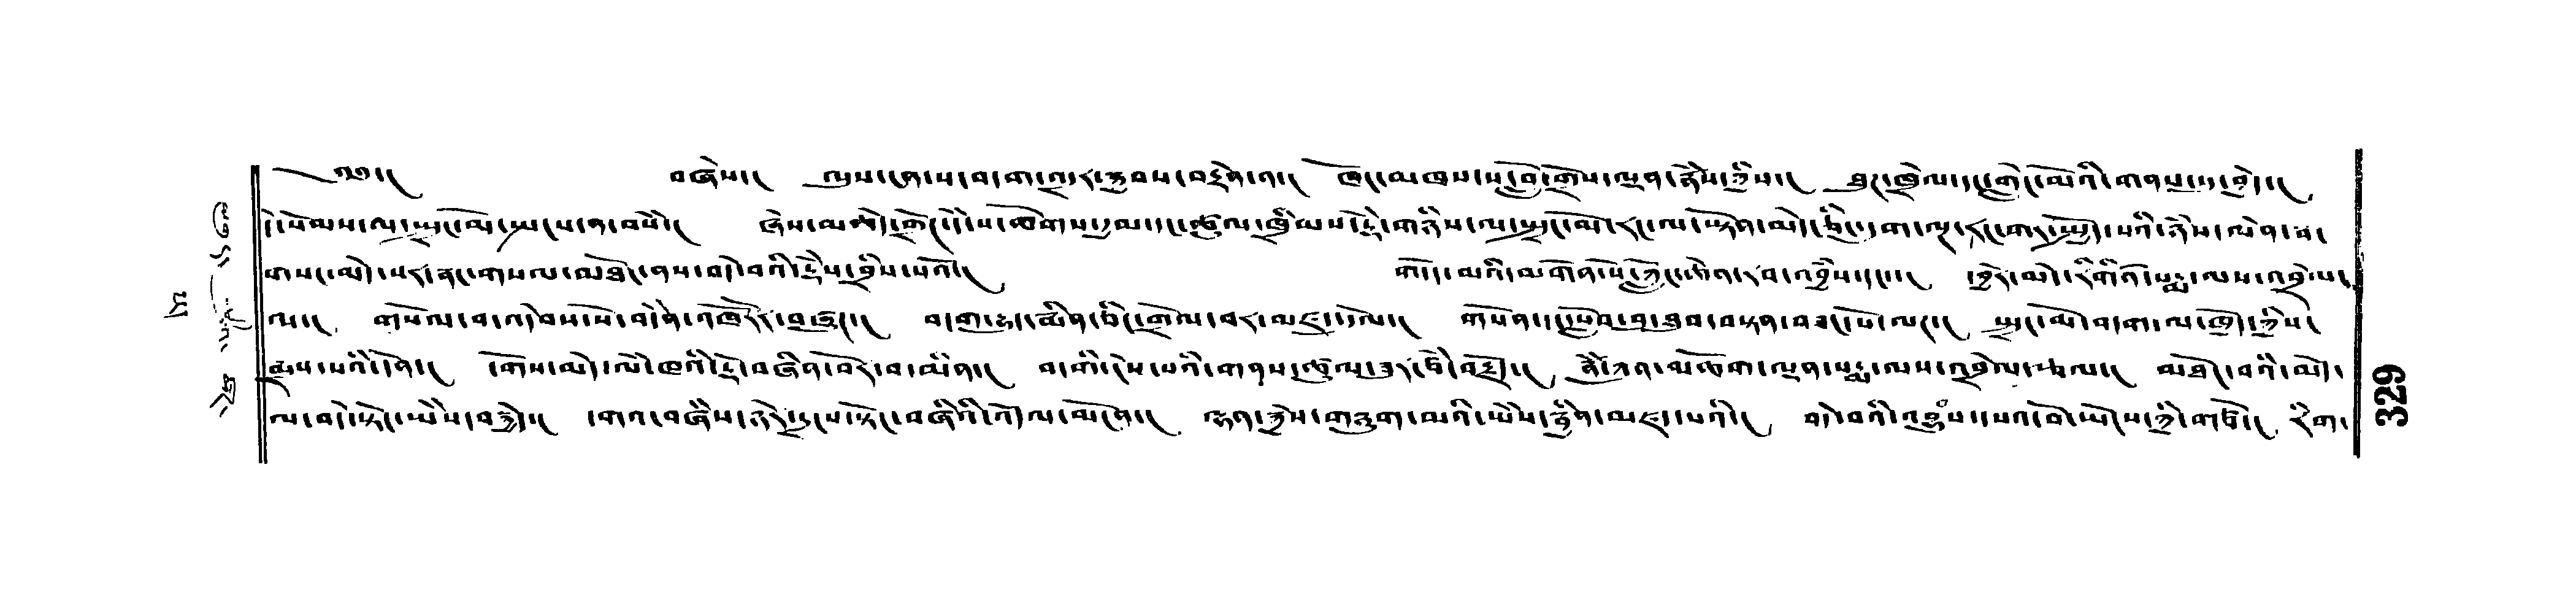བཞེས། །ལུས་ངན་པ་བདག་འདྲར་སྐྱབས་བསྟེན་ན། ཁོང་མཁས་པ་བློ་གྲོས་ལྡན་རྣམས་ཀྱིས། །ཐུགས་ཁྲེལ་དང་གླེང་མོའི་གནས་སུ་བྱེད། །
དེ་སོམས་ལ་སྤྲང་མོ་སྤངས་ན་བསམ། །ཞེས་མཆེད་གྲོགས་དམ་པ་ཚོགས་རྒྱམ་དང་ཚུལ་ཁྲིམས་རྡོ་རྗེ་གཉིས་ལ་སྤྲང་མོ་རང་ལ་ཡོན་ཏན་མེད་ཅིང་དུག་ལྔ་རང་གར་སྤྱོད་པའི་ཉམས་ལེན་སྦ་
གསང་མེད་པར་སྣང་གསལ་མཐོངས་ནས་བདེ་བའི་རྡོ་རྗེས་བྲིས་པའོ།། གདོད་མའི་མགོན་པོ་ཀློང་ཆེན་རབ་འབྱམས་དང་། །དབྱེར་མེད་རིག་འཛིན་པདྨ་ལས་འབྲེལ་
ལ། ། གསོལ་བ་འདེབས་སོ་བདེ་ཆེན་འཁོར་ལོར་བཞུགས། །བདག་རྒྱུད་སྨིན་ཅིང་གྲོལ་བར་མཛད་དུ་གསོལ། །གསོན་དང་སློབ་བུ་ཐུབ་བསྟན་བཟང་པོ་ལགས། །སྤྲང་མོ་བདག་ལ་ཁྱོད་ཀྱིས་
སྨྲས་པའི་དོན། །དགོས་མེད་ལམ་ཁའི་རྡོ་བཞིན་བོར་བ་མིན། །བདག་གི་ངེས་པའི་གནས་ཚུལ་ཟུར་ཙམ་བརྗོད། །རྣམ་ཀུན་མཆོག་ལྡན་པདྨ་ལས་འབྲེལ་རྩལ། །མཐོང་བའི་མོད་
ལ་བདེ་སྟོང་ཡེ་ཤེས་བསྐྱེད། །དགའ་བཞིས་ཉེར་དྲངས་སྟོང་བཞིའི་འོད་གསལ་མངོན། །ལྷན་སྐྱེས་གཉུག་མའི་ཡེ་ཤེས་སྦྱིན་མཛད་པའི། །བདེ་བའི་འབྱུང་གནས་དཔའ་བོ་ཡོངས་ཀྱི་གཙོ། །རིག་